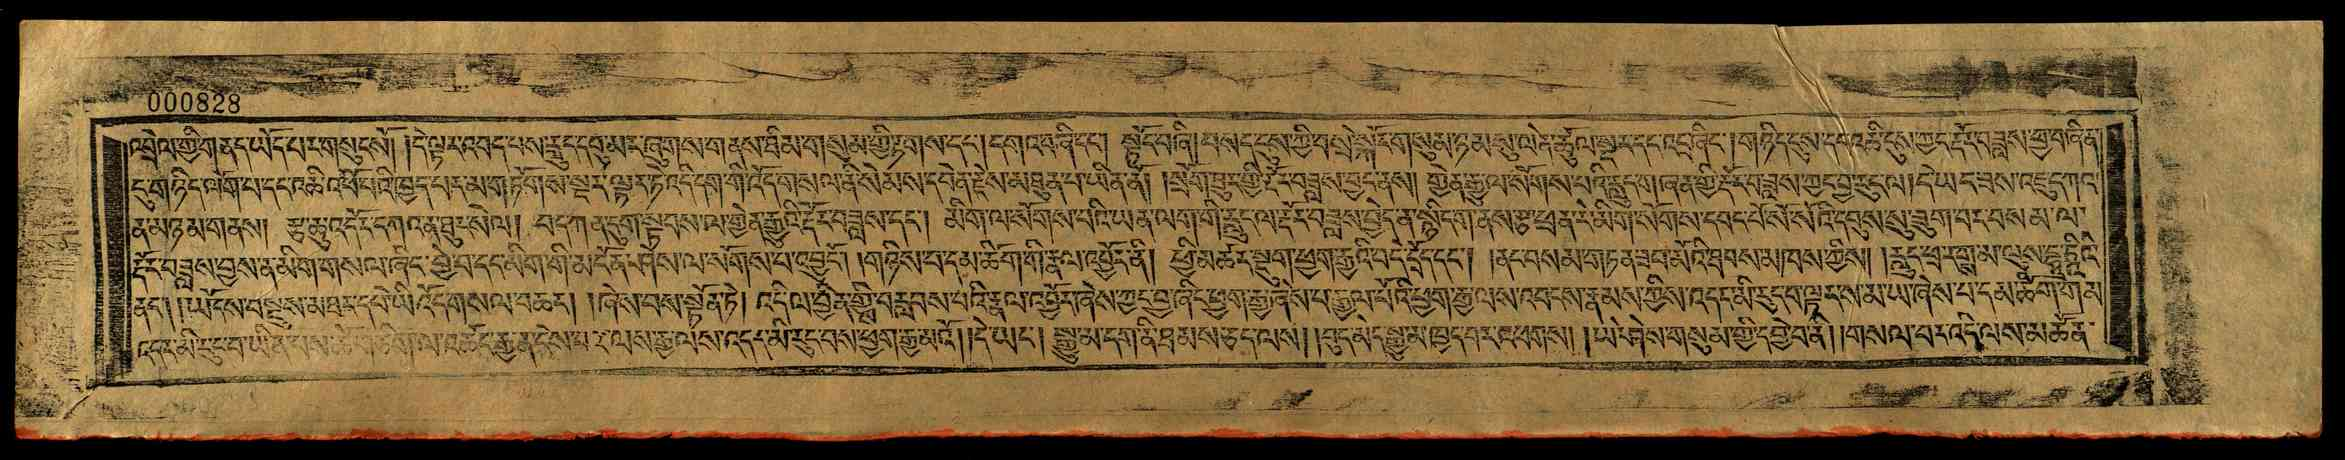འབྲེལ་གྱི་གནད་ཡོད་པར་གསུངྶོ། །དེ་ལྟར་འབད་པས་རླུང་དབུ་མར་ཞུགས་གནས་ཐིམ་གསུམ་གྱི་རྟགས་དང་། སྟོང་བཞི། བསད་དུས་ཀྱི་བསྲེ་སྐོར་གསུམ་ཉམས་སུ་ལེན་ཚུལ་སྔར་དང་འདྲ་ཞིང་། གཉིད་དུས་དང་འཆི་དུས་ཀྱང་རྡོར་བཟླས་བྱ་བཞིན་
དུ་གཉིད་ལོག་པ་དང་འཆི་འཕོ་བོའི་ཁྱད་པར་མ་གཏོགས་སྔར་ལྟར་དེ་འདི་དག་གི་འོད་གསལ་ནི་སེམས་དབེན་རྗེས་མཐུན་པ་ཡིན་ནོ། །སྲོག་ཐུར་གྱི་རྡོར་བཟླས་བྱང་ནས། གྱེན་རྒྱུ་ལ་སོགས་པའི་རླུང་གཞན་གྱི་རྡོར་བཟླས་ཀྱང་བྱ་རུང་ལ། དེ་ཡང་ཟས་འཇུ་དཀའ་
ན་མཉམ་གནས། རྩ་ཆུ་འདོར་དཀའ་ན་ཐུར་སེལ། བད་ཀན་དུག་སྟབས་ལ་གྱེན་རྒྱུའི་རྡོར་བཟླས་དང་། མིག་ལ་སོགས་པའི་ཡན་ལག་གི་རླུང་ལ་རྡོར་བཟླས་བྱེད་ན་སྙིང་ག་ནས་རྩ་ཕྲན་རེ་མིག་སོགས་དབང་པོ་སོ་སོའི་དབུས་སུ་ཟུག་པར་བསམ་ལ་
རྡོར་བཟླས་བྱས་ན་མིག་གསལ་ཞིང་བྱེ་བ་དང་མིག་གི་མངོན་ཤེས་ལ་སོགས་པ་འབྱུང་ངོ། །གཉིས་པ་དམ་ཚིག་གི་རྣལ་འབྱོར་ནི། ཕྱི་མཚར་སྡུག་ཕྱག་རྒྱའི་བདེ་དྲོད་དང་། །ནང་བསམ་གཏན་ཟབ་མོའི་ཐབས་མཁས་ཀྱིས། །རླུང་ཕྲ་རགས་མ་ལུས་དྷཱུ་ཏཱིའི་
ནང༑ ༑ཡོངས་བསྡུས་མཐར་དཔེ་ཡི་འོད་གསལ་འཆར། །ཞེས་པས་སྟོན་ཏེ། འདི་ལ་བྱིན་གྱི་བརླབས་པའི་རྣལ་འབྱོར་ཞེས་ཀྱང་བྱ་ཞིང་ཕྱག་རྒྱ་ཞེས་པ་རྒྱལ་པོའི་ཕྱག་རྒྱ་ལས་འབངས་རྣམས་ཀྱིས་འདར་མི་རུང་བ་ལྟར་སམ་ཡ་ཞེས་པ་དམ་ཚིག་གམ་
འདར་མི་རུང་བ་ཡིན་པས་ཚེ་གཅིག་ལ་འཚང་རྒྱ་ན་ངེས་པར་ལས་རྒྱ་ལས་འདར་མི་རུང་བས་ཕྱག་རྒྱ་མའོ། །དེ་ཡང་། སྒྱུ་མ་དག་ནི་ཐམས་ཅད་ལས། །བུད་མེད་སྒྱུ་མ་ཁྱད་པར་འཕགས། །ཡེ་ཤེས་གསུམ་གྱི་དབྱེ་བ་ནི། །གསལ་བར་འདི་ལས་མཚོན་